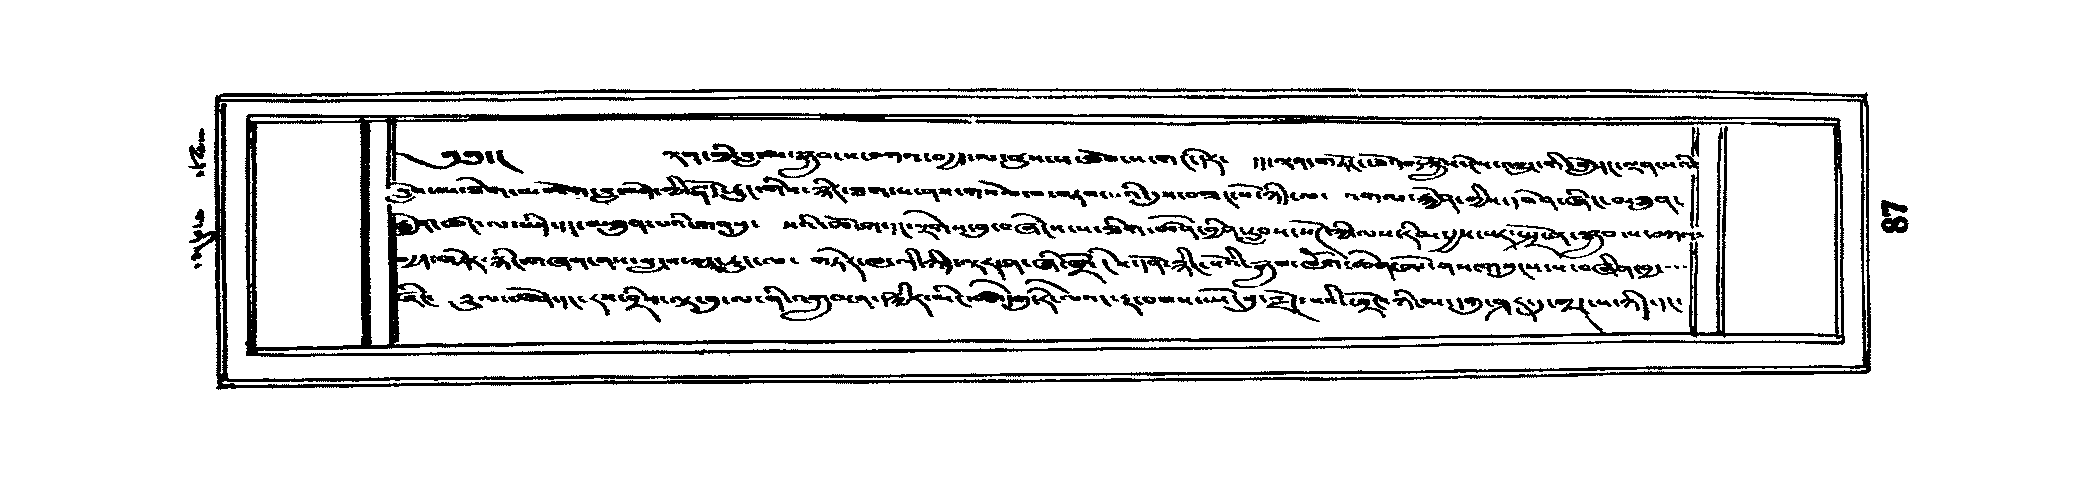ལྡན་གྱི་བླ་མ་སྒྲུབ་པ་བཀའ་བརྒྱད་ལ་ནུས་པ་ཐོབ་པ་གང་དེར། དད་ལྡན་གཏོང་ཕོད་བརྩོན་གྲུས་ངེས་འབྱུང་གི་བློ་དང་ལྡན་པའི་
སློབ་མ་ཐེག་མཆོག་བླ་མིེད་ཀྱི་སྣོད་རུང་གི་སྙིང་ཐག་པ་ནས་གསོལ་བ་བཏབ་པའི་དུས་བཟང་པོ་ཉིད་ལ། འགལ་རྐྱེན་གྱིས་དབེན་ཞིང་མཐུན་
རྐྱེན་ཚང་ལ་ཡིད་དང་མཐུན་པའི་གནས་སུ། སའི་ཆོ་ག་དང་སྟེགས་བུ་བཞེངས་པ་ཐིག་ཚོན་བྱིན་རླབས་སོགས་ཀྱི་ལས་རིམ་རྒྱས་པར་སྤྲོ་ན་སྒྲུབ་པ་བཀའ་
བརྒྱད་གཏེར་སྙིང་གཞན་ནས་བླངས་ཀྱང་རུང་ལ། གཏེར་ཁ་འདི་ཉིད་ལྟར་ན་ཞི་ཁྲོ་ངེས་དོན་སྙིང་པོའི་སྒྲུབ་ཁོག་ཆེན་མོ་ནས་གསུངས་པ་བཞིན་བྱ་
ཞིང་། རྡུལ་ཚོན་དག་རས་བྲིས་ལྟ་བུ་ལ་ནི་འགྲུབ་ན་དཀྱིལ་འཁོར་མིང་ཚེ་དགུ་རེ་རེ་ལའང་རྟ་བབས་ཡོངས་སུ་རྫོགས་པའི་ཕོ་བྲང་ཉི་མ་དགུ་ཤར་དུ་གྲགས་པ་ནིད་དང་།